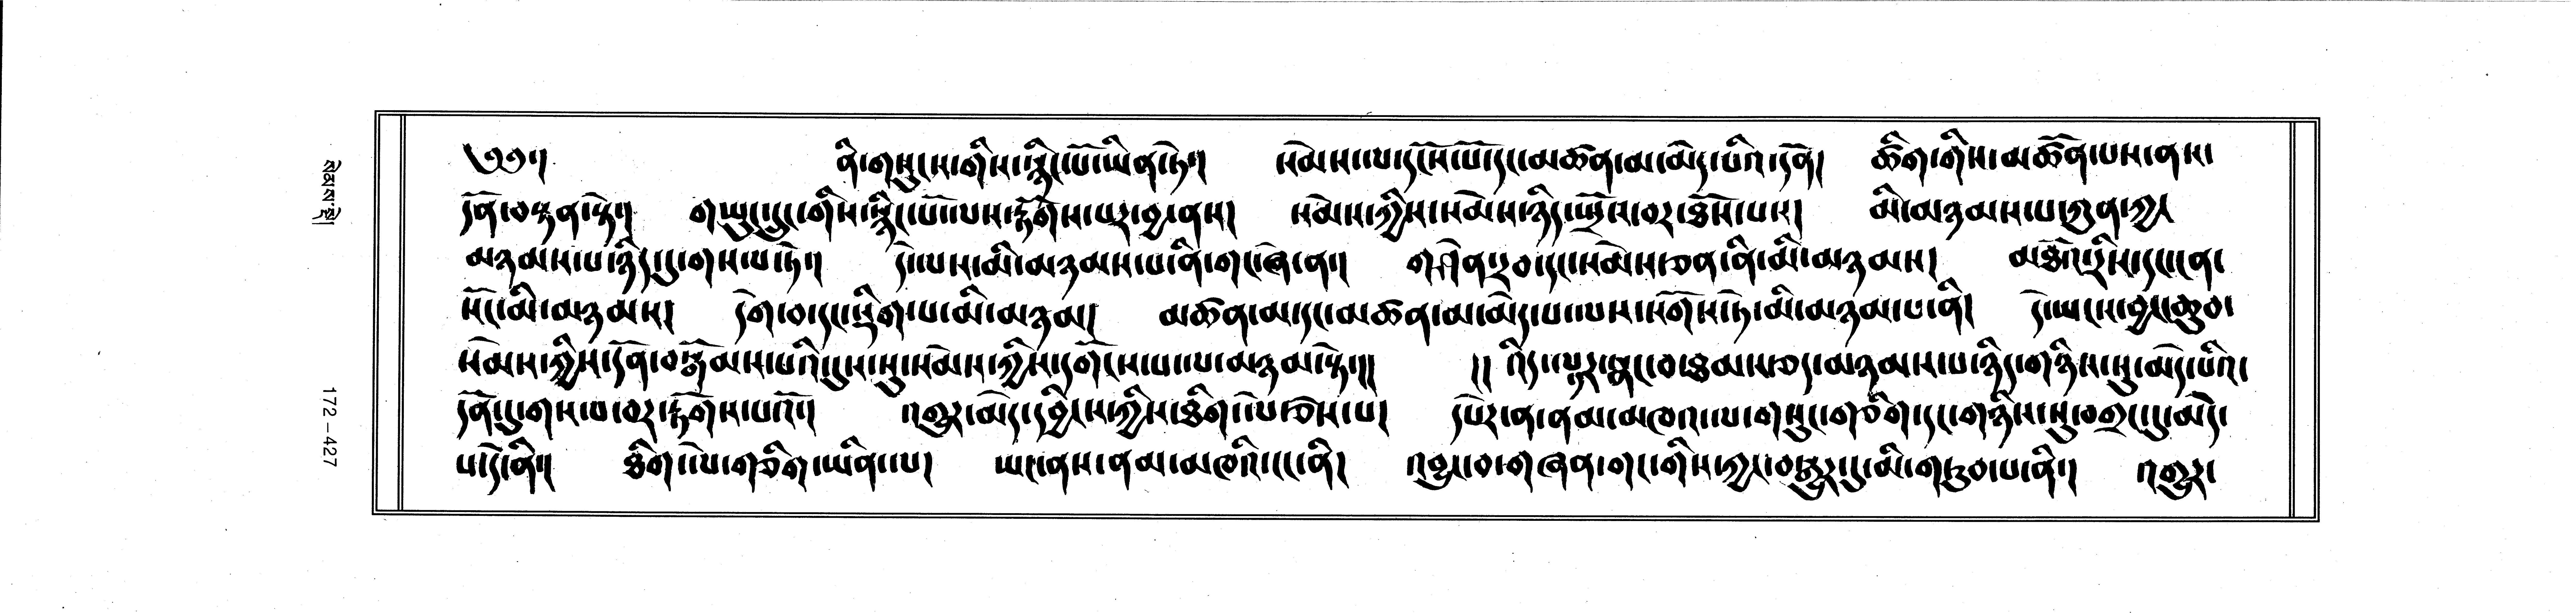ནི་གསུངས་གིས་སྙིང་པོ་ཡིན་ཏེ། སེམས་ལ་དངོས་པོ་དང་མཚན་མ་མེད་པའི་དོན། ཚིག་གིས་མཚོན་པས་ནས་
དོན་བསྟན་སྟེ། གཡུང་དྲུང་གིས་སྙིང་པོ་ལས་རྟོགས་པར་བྱ་ནས། སེམས་ཀྱིས་སེམས་ཉིད་སྤྲོས་བར་ཐོས་པས། མི་མཉམ་པ་ཀུན་ཀྱང་
མཉམ་པ་ཉིད་དུ་གསལ་ཏེ། དེ་ལས་མི་མཉམ་པ་ནི་གང་ཞེ་ན། གཤེན་རབ་དང་སེམས་ཅན་ནི་མི་མཉམ། མཐོའ་རིས་དང་ངན་
སོང་མི་མཉམ། དགེ་བ་དང་སྡིག་པ་མི་མཉམ། མཚན་མ་དང་མཚན་མ་མེད་པ་ལས་སོགས་ཏེ་མི་མཉམ་པ་ནི། དེ་ཡང་བྱང་ཆུབ་
སེམས་ཀྱིས་དོན་བསྒོམས་པའི་དུས་སུ་སེམས་ཀྱིས་དགོངས་པ་ལ་མཉམ་སྟེ། འདི་ལྟར་སྣང་བ་ཐམས་ཅད་མཉམ་པ་ཉིད་གཉིས་སུ་མེད་པའི་
དོན་དུ་གསལ་བར་རྟོགས་པའོ། འགྱུར་མེད་དབྱིངས་ཀྱིས་ཐིག་ལེ་ཅེས་པ། དཔེར་ན་ནམ་མཁའ་ལ་གསུང་གཅིག་དང་གཉིས་སུ་བགྲངས་དུ་མེད་
པ་དེ་ནི། ཐིག་ལེ་གཅིག་ཡིན་ལ། ཡང་ནས་ནམ་མཁའི་ངང་ནི། འབྱུང་བ་གཞན་གང་གིས་ཀྱང་བསྒྱུར་དུ་མི་གཏུབ་པ་ནི། འགྱུར་